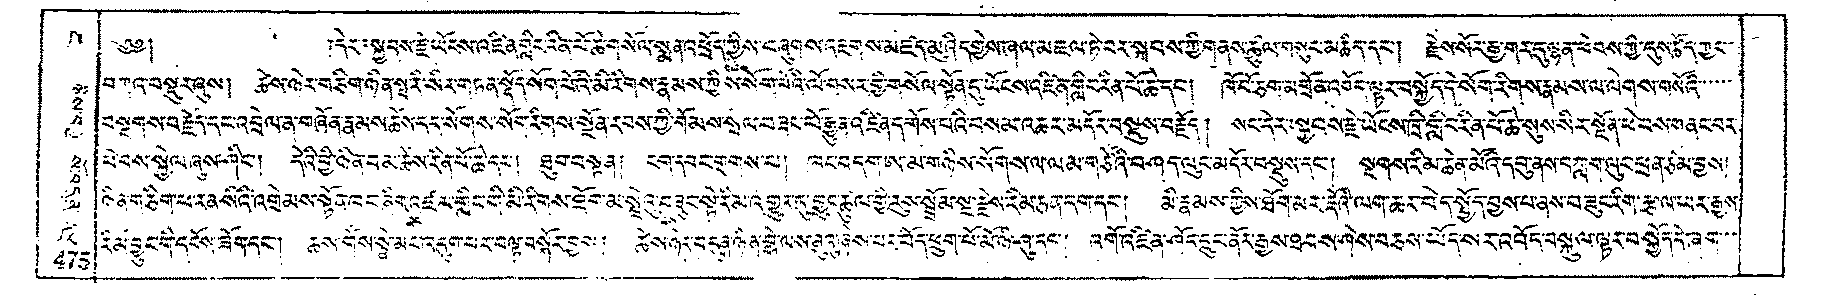༄༅། །དེར་༧སྐྱབས་རྗེ་ཡོངས་འཛིན་གླིང་རིན་པོ་ཆེ་གསོལ་སྨན་འཕྲོད་བཞེས་ཀྱིས་བཞུགས་འཇགས་མཛད་མུའི་དགྱེས་ཞལ་མཇལ་ཏེ་བར་སྐབས་ཀྱི་གནས་ཚུལ་གསུང་མཆིད་དང་། རྗེས་སོར་རྒྱ་གར་དུ་ལྷན་ཕེབས་ཀྱི་དུས་ཚོད་ཀྱང་
བཀའ་བསྡུར་ཞུས། ཚེས་ཉེར་གཅིག་ཉིན་སྤ་རི་སིར་གཏན་སྡོད་སོག་པོའི་མི་རིགས་རྣམས་ཀྱིས་སོག་པོའི་ལོ་གསར་གྱི་གསོལ་སྟོན་དུ་ཡོངས་འཛིན་གླིང་རིན་པོ་ཆེ་དང་། ཁོ་བོ་ཅག་མགྲོན་འབོད་ལྟར་བསྐྱོད་དེ་སོག་རིགས་རྣམས་ལ་ལེགས་གསོའི་
བསྔགས་བརྗོད་དང་འབྲེལ་ན་གཞོན་རྣམས་ཆོས་དད་སོགས་སོག་རིགས་སྔོན་རབས་ཀྱི་གོམས་སྲོལ་བཟང་པོ་རྒྱུན་འཛིན་དགོས་པའི་བསམ་འཆར་མདོར་བསྡུས་བརྗོད། སང་དེར་༧སྐྱབས་རྗེ་ཡོངས་ཁྲི་གླིང་རིན་པོ་ཆེ་སུས་སིར་སྔོན་ཕེབས་གནང་བར་
ཕེབས་སྐྱེལ་ཞུས་ཤིང་། དེའི་ཕྱི་ཉིན་བམ་ཆོས་རིན་པོ་ཆེ་དང་། ཐུབ་བསྟན། ངག་དབང་གྲགས་པ། ཁང་བདག་ཨ་མ་གཉིས་སོགས་ལ་ལམ་གཙོའི་བཤད་ལུང་མདོར་བསྡུས་དང་། སྔགས་རིམ་ཆེན་མོའི་དབུ་ནས་བཀླག་ལུང་ཕྲན་ཙམ་བྱས།
ཉིན་གཅིག་ཕ་རན་སིའི་འགྲེམས་སྟོན་ཁང་ཞིག་ནང་འཛམ་གླིང་གི་མི་རིགས་ཐོག་མ་སྤྲེའུ་ནས་བཟུང་སྟེ་རིམ་འགྱུར་དུ་བྱུང་ཚུལ་གྱི་རུས་སྒྲོམ་སྔ་རྗེས་རིམ་ཅན་དག་དང་། མི་རྣམས་ཀྱིས་ཐོག་མར་རྡོའི་ལག་ཆར་བདེ་སྤྱོད་བྱས་པ་ནས་བཟུང་རིག་རྩལ་ཡར་རྒྱས་
རིམ་བྱུང་གི་དངོས་ཟོག་དང་། ཆོས་གོས་སྣེ་མང་འདུག་པར་བལྟ་བསྐོར་བྱས། ཚེས་ཉེར་བདུན་ཉིན་བྷེ་ལས་ནུའུ་ཞེས་པར་བོད་ཕྲུག་ཕོ་མོ་ཉི་ཤུ་དང་། འགོ་འཛིན་ཤོད་དྲུང་ནོར་རྒྱས་ཐབས་ཤེས་བཅས་ཡོད་སར་འབོད་བསྐུལ་ལྟར་བསྐྱོད་དེ་ཞག་